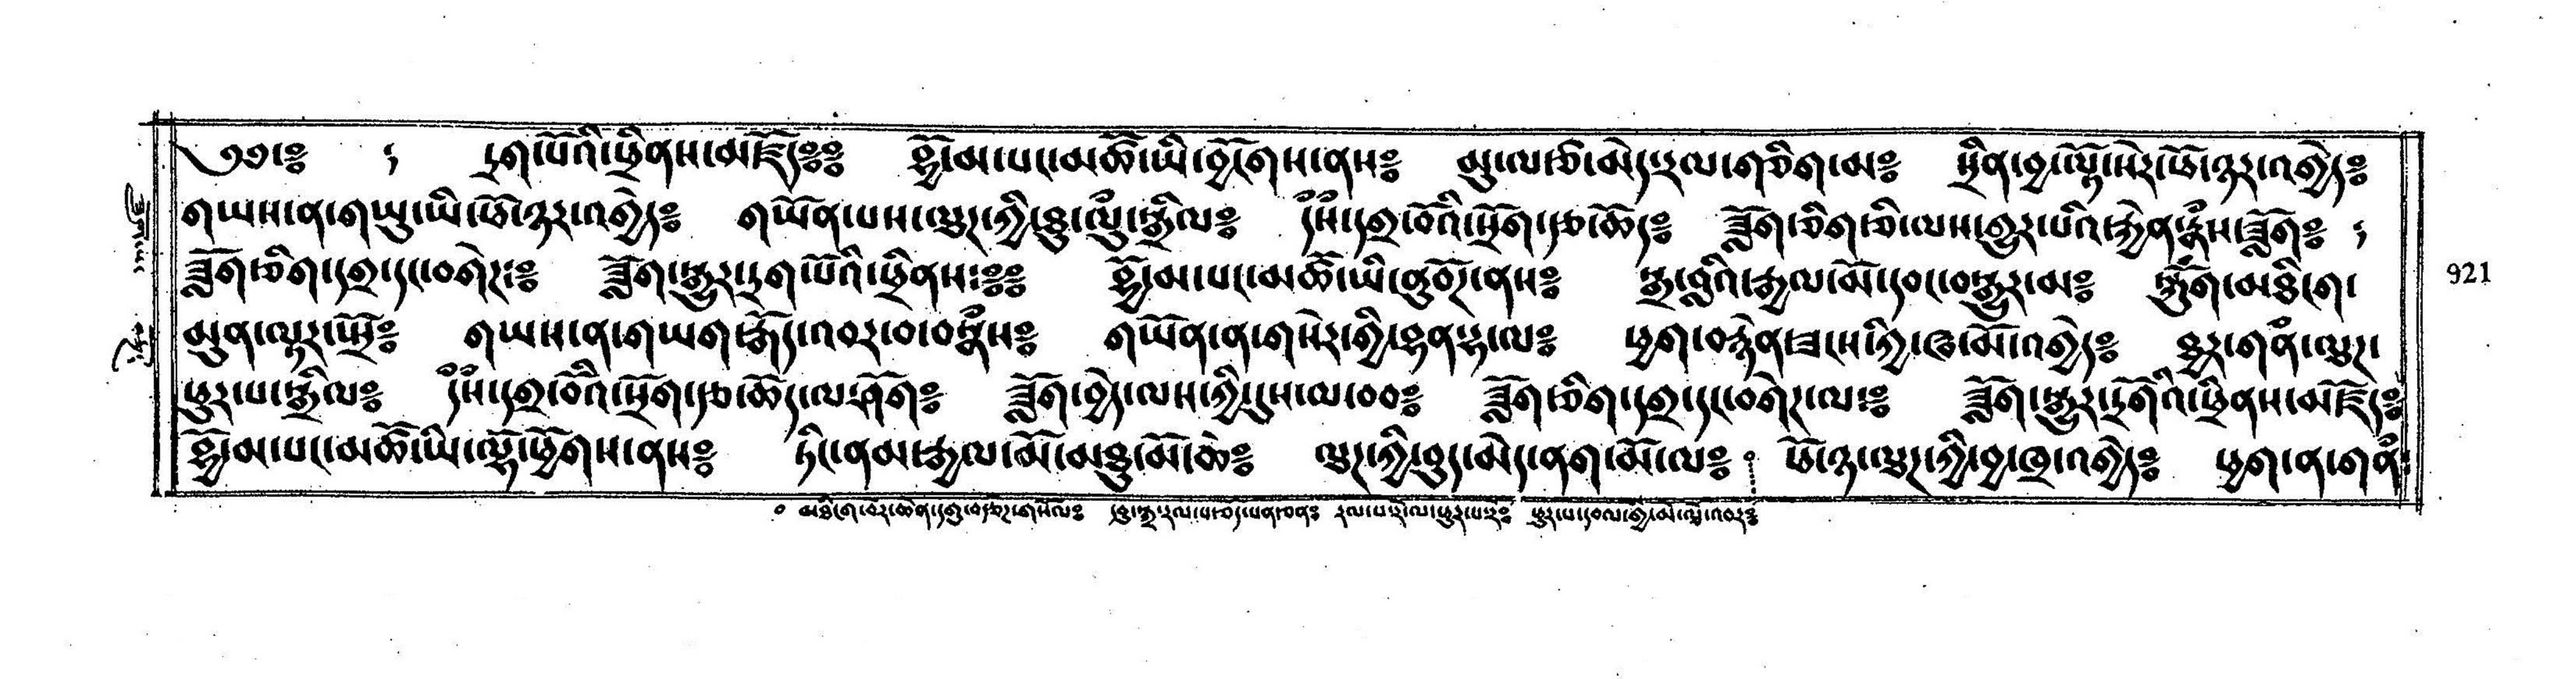དྲག་པོའི་ཕྲིན་ལས་མཛོད༔༔ བྷྱོ་མ་པང་མཚོ་ཡི་བྱང་ཕྱོགས་ནས༔ མུ་ལ་ཙ་མེད་རལ་གཅིག་མ༔ སྲིན་བྱ་ལྟོ་སེར་ཕོ་ཉར་འགྱེད༔ 
གཡས་ན་གཡུ་ཡི་ཕོ་ཉར་འགྱེད༔ གཡོན་པས་ལྕགས་ཀྱི་ཐུ་ལུམ་སྒྲིལ༔ དམ་ཉམས་དགྲ་བོའི་སྲོག་རྩ་ཆོད༔ ཟློག་ཅིག་ཅི་ལས་གྱུར་པའི་རྐྱེན་རྣམས་ཟློག༔ 
ཟློག་ཅིག་དགྲ་དང་བགེགས༴༔ ཟློག་སྒྱུར་དྲག་པོའི་ཕྲིན་ལས༴༔༔ བྷྱོ་མ་པང་མཚོ་ཡི་ནུབ་ཕྱོགས་ནས༔ སྒྲ་བླའི་རྒྱལ་མོ་དབང་བསྒྱུར་མ༔ སྐུ་མདོག་མཐིང་ནག་
མུན་ལྟར་སྤྲོ༔ གཡས་ན་གཡག་རྒོད་འབར་བ་བསྣམས༔ གཡོན་ན་གསེར་གྱི་བྷན་དྷ་ལ༔ ཕྱག་བརྙེན་ཟངས་ཀྱི་ཝ་མོ་འགྱེད༔ ཐུགས་ཁར་གནམ་ལྕགས་
ཕུར་པ་སྒྲིལ༔ དམ་ཉམས་དགྲ་བོའི་སྲོག་རྩ་ཆོད་ལ་ཤོག༔ ཟློག་བྱེད་ལས་ཀྱི་དུས་ལ་བབ༔ ཟློག་ཅིག་དགྲ་དང་བགེགས་ལ༴༔ ཟློག་སྒྱུར་དྲག་པོའི་ཕྲིན་ལས་མཛོད༔ 
བྷྱོ་མ་པང་མཚོ་ཡི་ལྷོ་ཕྱོགས་ནས༔ ཏིང་ནམ་རྒྱལ་མོ་མཐུ་མོ་ཆེ༔ ལྕགས་ཀྱི་བུད་མེད་ནག་མོ་ལ༔ མཐིང་ནག་བེར་ཆེན་དགུ་བརྩེགས་གསོལ༔ དབུ་སྐྲ་རལ་པ་ཅོད་པན་ཅན༔ རལ་པ་རེ་ལ་ཕུར་པ་རེ༔ ཕུར་པ་དབལ་གྱི་མེ་ལྕེ་འབར༔ ཕོ་ཉ་ལྕགས་ཀྱི་བྱ་ཁྲ་འགྱེད༔ ཕྱག་ན་གནམ་